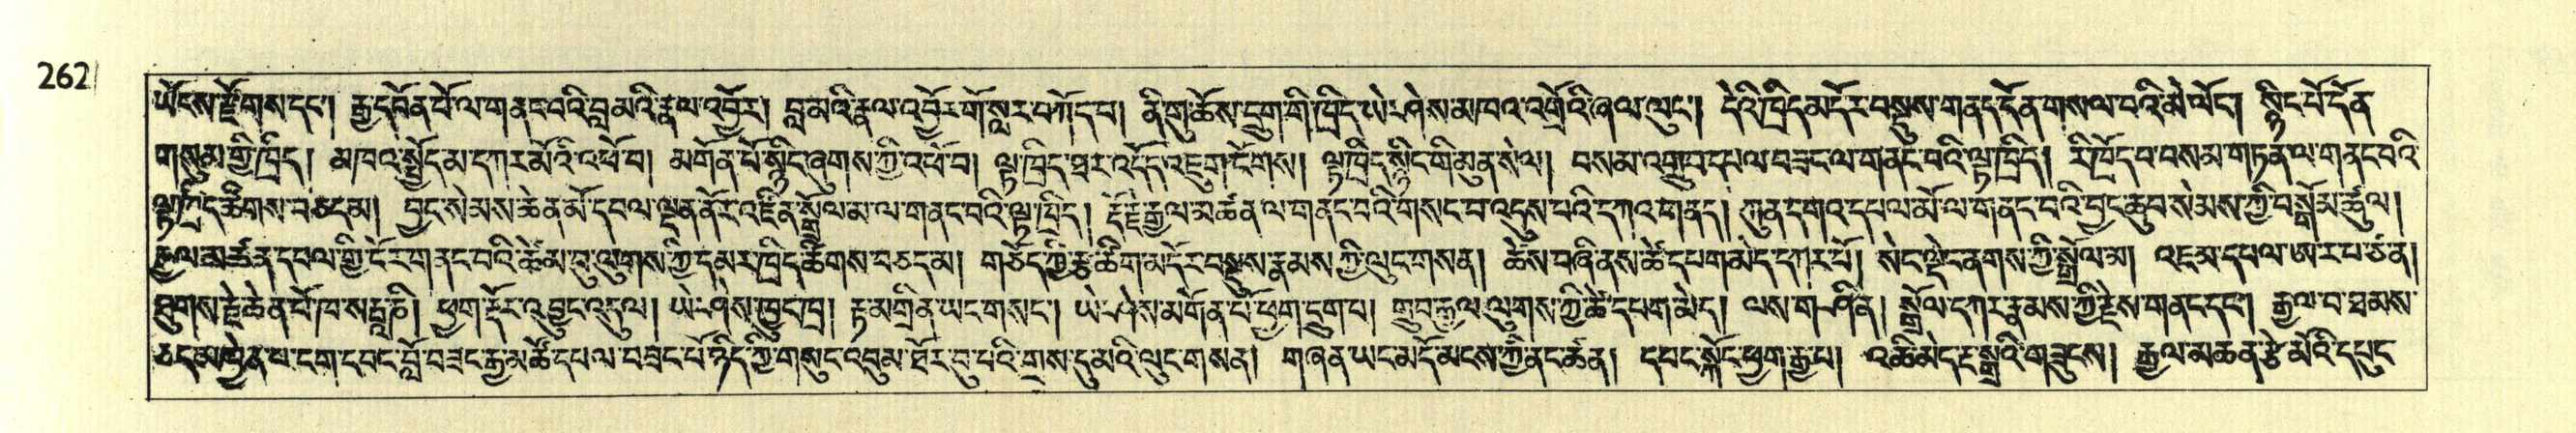ཡོངས་རྫོགས་དང་། རྒྱ་དབོན་པོ་ལ་གནང་བའི་བླ་མའི་རྣལ་འབྱོར། བླ་མའི་རྣལ་འབྱོར་གོ་སླར་བཀོད་པ། ནི་གུ་ཆོས་དྲུག་གི་ཁྲིད་ཡེ་ཤེས་མཁའ་འགྲོའི་ཞལ་ལུང་། དེའི་ཁྲིད་མདོར་བསྡུས་གནད་དོན་གསལ་བའི་མེ་ལོང་། སྙིང་པོ་དོན་
གསུམ་གྱི་ཁྲིད། མཁའ་སྤྱོད་མ་དཀར་མོའི་འཕོ་བ། མགོན་པོ་སྙིང་ཞུགས་ཀྱི་འཕོ་བ། ལྟ་ཁྲིད་ཐར་འདོད་འཇུག་ངོགས། ལྟ་ཁྲིད་སྙིང་གི་མུན་སེལ། བསམ་འགྲུབ་དཔལ་བཟང་ལ་གནང་བའི་ལྟ་ཁྲིད། རི་ཁྲོད་བ་བསམ་གཏན་ལ་གནང་བའི་
ལྟ་ཁྲིད་ཚིགས་བཅད་མ། བྱང་སེམས་ཆེན་མོ་དཔལ་ལྡན་ནོར་འཛིན་སྒྲོལ་མ་ལ་གནང་བའི་ལྟ་ཁྲིད། རྡོ་རྗེ་རྒྱལ་མཚན་ལ་གནང་བའི་གསང་བ་འདུས་པའི་དཀའ་གནད། ཀུན་དགའ་དཔལ་མོ་ལ་གནང་བའི་བྱང་ཆུབ་སེམས་ཀྱི་བསྒོམ་ཚུལ།
རྒྱལ་མཚན་དཔལ་གྱི་ངོར་གནང་བའི་ཚེམ་བུ་ལུགས་ཀྱི་དམར་ཁྲིད་ཚིགས་བཅད་མ། གཅོད་ཀྱི་རྩ་ཚིག་མདོར་བསྡུས་རྣམས་ཀྱི་ལུང་གསན། ཚེས་བཞི་ནས་ཚེ་དཔག་མེད་དཀར་པོ། སེང་ལྡེང་ནགས་ཀྱི་སྒྲོལ་མ། འཇམ་དཔལ་ཨ་ར་པ་ཙ་ན།
ཐུགས་རྗེ་ཆེན་པོ་ཁ་སརྦཱ་ཎི། ཕྱག་རྡོར་འབྱུང་འདུལ། ཡེ་ཤེས་ཁྱུང་ཁྲ། རྟ་མགྲིན་ཡང་གསང་། ཡེ་ཤེས་མགོན་པོ་ཕྱག་དྲུག་པ། གྲུབ་རྒྱལ་ལུགས་ཀྱི་ཚེ་དཔག་མེད། ལས་གཤིན། སྒྲོལ་དཀར་རྣམས་ཀྱི་རྗེས་གནང་དང་། རྒྱལ་བ་ཐམས་
ཅད་མཁྱེན་པ་ངག་དབང་བློ་བཟང་རྒྱ་མཚོ་དཔལ་བཟང་པོ་ཉིད་ཀྱི་གསུང་འབུམ་ཐོར་བུ་པའི་གྲས་དུ་མའི་ལུང་གསན། གཞན་ཡང་མདོ་མངས་ཀྱི་ནང་ཚན། དབང་སྐོང་ཕྱག་རྒྱ་པ། འཆི་མེད་རྔ་སྒྲའི་གཟུངས། རྒྱལ་མཆན་རྩེ་མོའི་དཔུང་